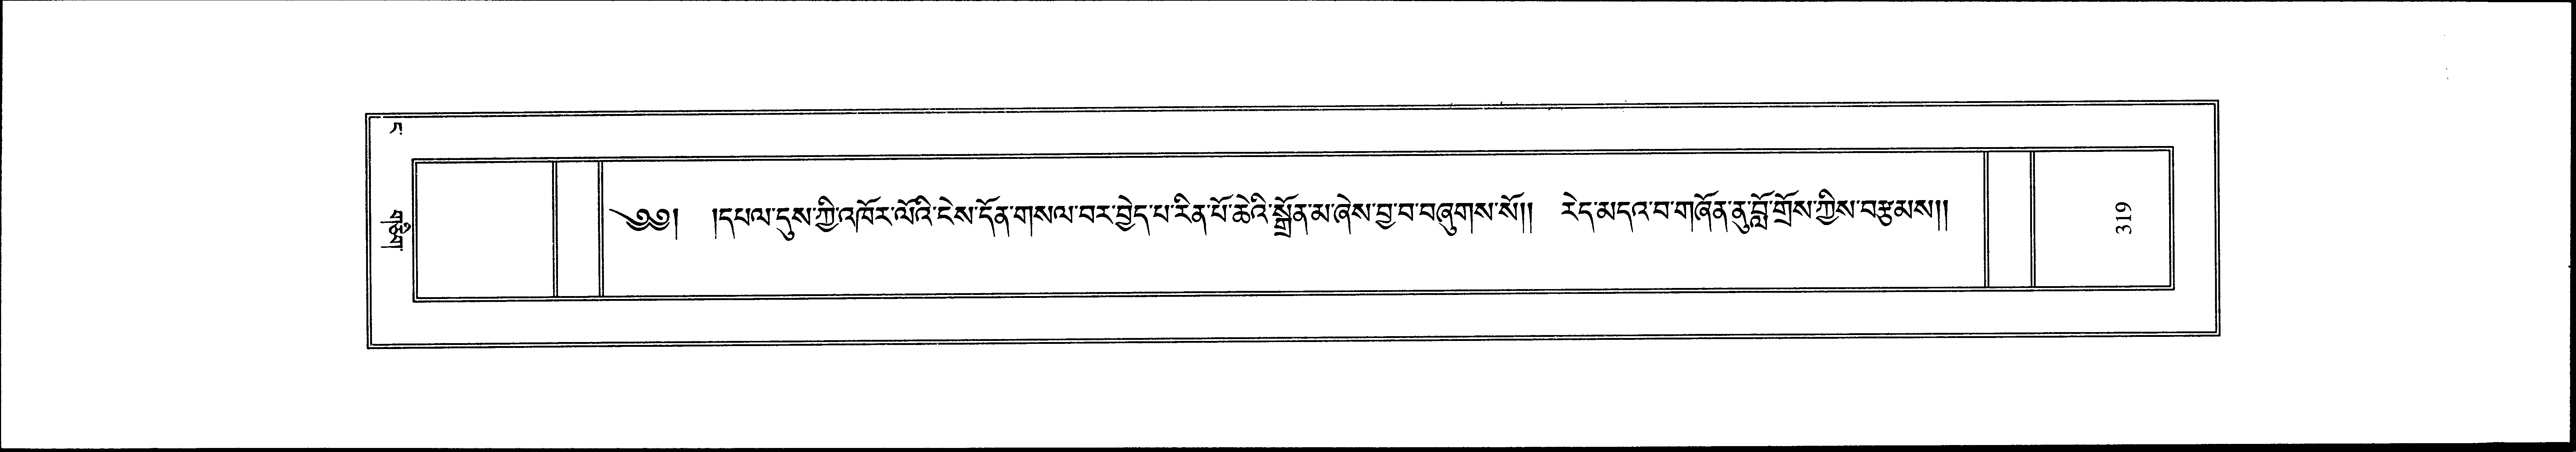༄༅། །དཔལ་དུས་ཀྱི་འཁོར་ལོའི་ངེས་དོན་གསལ་བར་བྱེད་པ་རིན་པོ་ཆེའི་སྒྲོན་མ་ཞེས་བྱ་བ་བཞུགས་སོ།། རེད་མདའ་བ་གཞོན་ནུ་བློ་གྲོས་ཀྱིས་བརྩམས།།